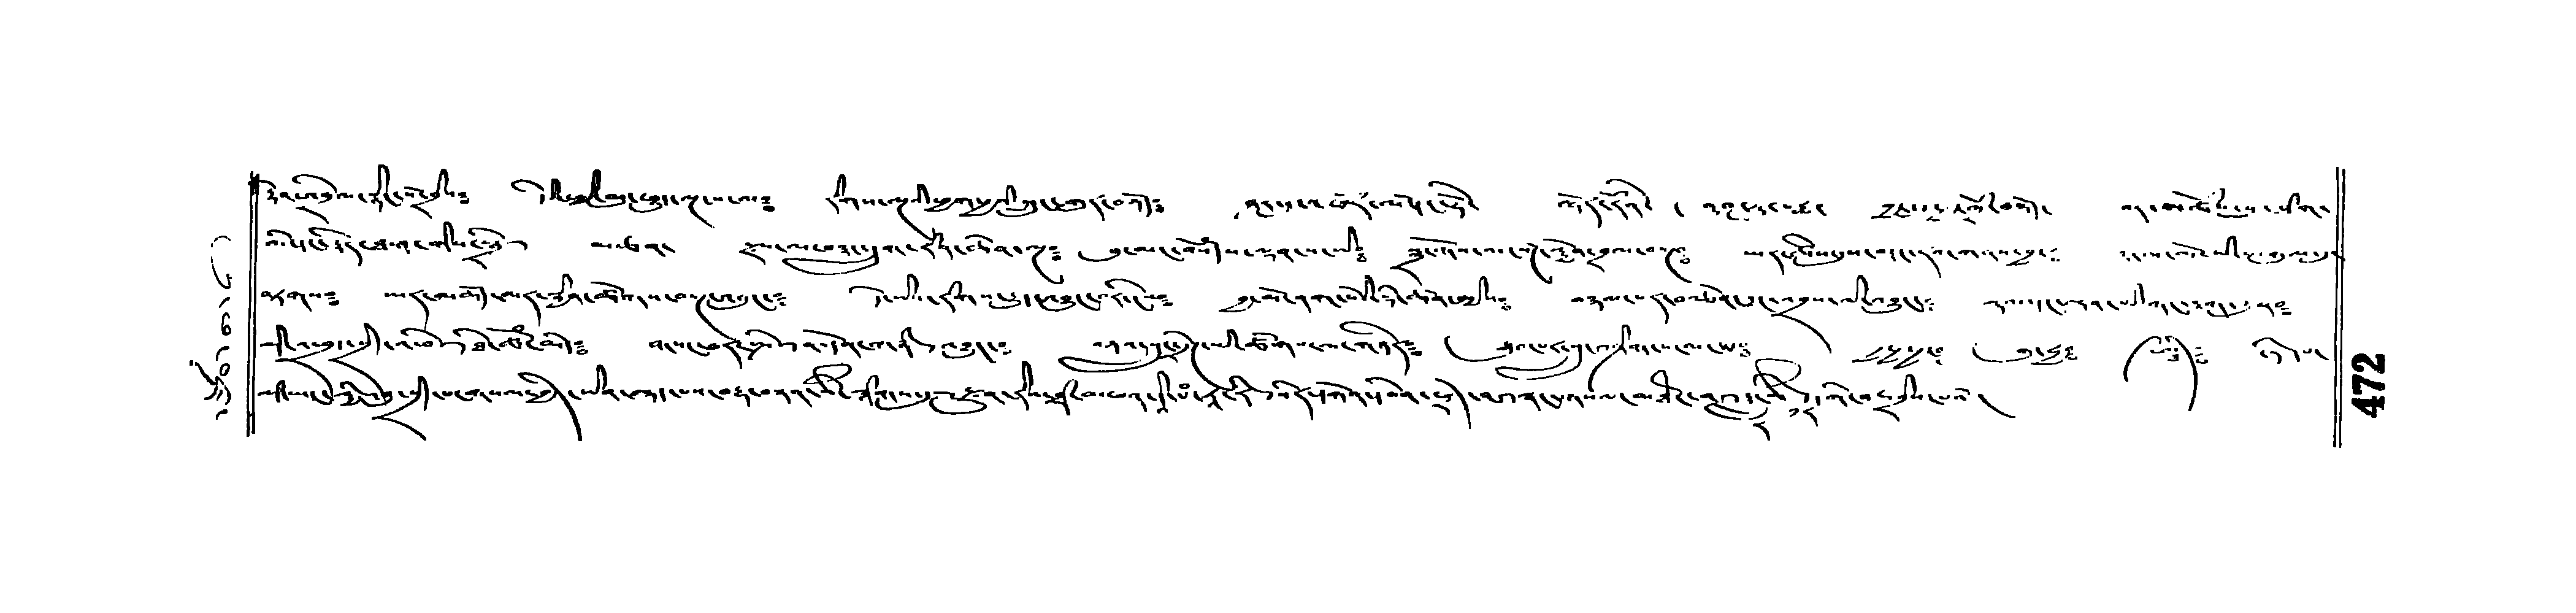རྟེན་འབྲེལ་སྙིང་པོ་བྲིས༔ དེའི་ཕྱི་མུ་ཁྱུད་ལྔ་པ་ལ༔ རིགས་ལྔའི་ཕྱག་རྒྱའི་སྲུང་གུར་བཀོད༔ ཤར་དུ་འཁོར་ལོ་དང་རྡོ་རྗེ། ལྷོར་རིན་ཆེན། ནུབ་ཏུ་པདྨ། བྱང་དུ་རྒྱ་གྲམ་བཀོད། བར་མཚམས་སུ་ཐིག་
ལེ་དང་ཟེར་ཐག་གིས་སྦྲེལ། མཆན། རྫས་ལ་བཟང་དྲུག་རིན་ཆེན་ལྔ༔ བུ་མང་བསོད་ནམས་ལྡན་པ་ཡི༔ སྐྲ་གོས་ལ་སོགས་སྐྱེན་བྲལ་བསགས༔ ཡར་ཚེས་དུས་བཟང་རབ་གནས་བྱ༔ ཟ་མ་མོ་ཡི་མགུལ་དུ་
བཏགས༔ ཡར་མཆོད་མར་སྦྱིན་ཚོགས་བསགས་འབུང༔ དེ་ཡིས་རིགས་རྒྱུད་འབྱུང་བར་ངེས༔ བྱ་ལོ་ནག་པོའི་སྡེ་ཚན་གྱིས༔ བསྐལ་པར་བརྩོན་ཀྱང་འབྲས་མི་འབྱུང༔སྐལ་དང་ལྡན་པའི་གང་ཟག་ཀུན༔ 
འདི་ཕྲད་སྲིད་འཕེལ་ཐེ་ཚོམ་མེད༔ གསང་བར་སྤེལ་ན་དོན་གཉིས་འབྱུང༔ བཀའ་སྲུང་དྲེགས་པའི་ཚོགས་ལ་གཉེར༔ ཐུབ་པར་སྲུངས་ཤིག་ས་མ་ཡ༔ རྒྱ་རྒྱ་རྒྱ༔ གུ་ཧྱ༔ ༔ ཞེས་པ་
འདི་ཡང་སྐྱེས་བུ་སྲིད་པ་གསལ་བྱེད་ཡིན་སྐད་པས་བརྡ་བསྟན་ཚེ་སྙིགས་དུས་རྫུན་རིས་བྲི་མཁན་ཌཱི་པཾ་ཏཱ་རེས་སེར་དགོན་དབེན་ཁྲོད་སྣང་གསལ་མཐོང་ནས་ཟླ་བ་བརྒྱད་པའི་ཚེས་བཅོ་བརྒྱད་དགེ་བར་བྲིས་པའོ།།